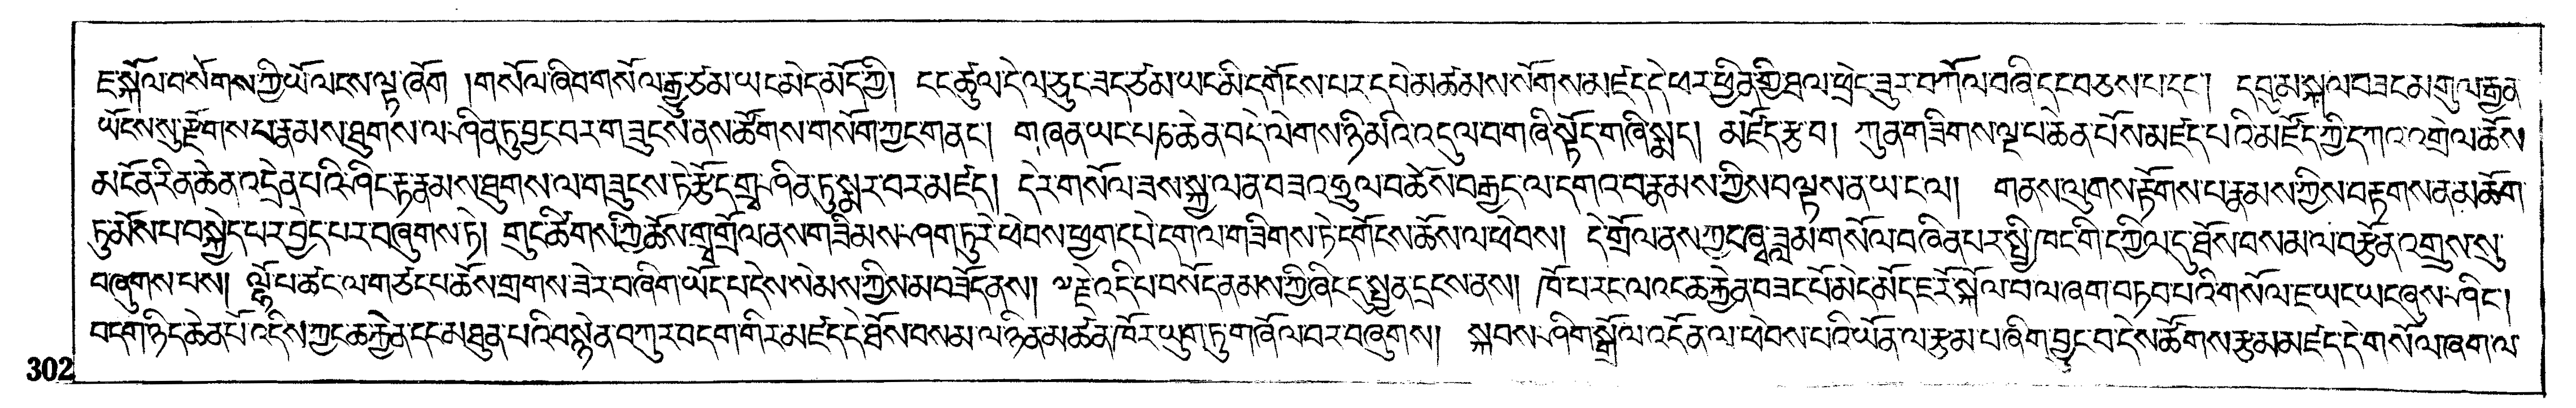ཇ་སྐོལ་བ་སོགས་ཀྱི་ཡོ་ལངས་ལྷ་ཞོག །གསོལ་ཞིབ་གསོལ་རྒྱུ་ཙམ་ཡང་མེད་མོད་ཀྱི། ངང་ཚུལ་དེ་ལ་ཅུང་ཟད་ཙམ་ཡང་མི་དགོངས་པར་དབེ་མཚམས་སོགས་མཛད་དེ་ཕར་ཕྱིན་གྱི་ཐལ་ཕྲེང་ཟུར་བཀོལ་བཞི་དང་བཅས་པ་དང་། དབུ་མ་སྐལ་བཟང་མགུལ་རྒྱན་
ཡོངས་སུ་རྫོགས་པ་རྣམས་ཐུགས་ལ་ཤིན་ཏུ་བྱང་བར་གཟུངས་ནས་ཚོགས་གསོག་ཀྱང་གནང་། གཞན་ཡང་པཎ་ཆེན་བདེ་ལེགས་ཉི་མའི་འདུལ་བ་གཞི་སྟོད་གཞི་སྨད། མཛོད་རྩ་བ། ཀུན་གཟིགས་ལྔ་པ་ཆེན་པོས་མཛད་པའི་མཛོད་ཀྱི་དཀའ་འགྲེལ་ཆོས་
མངོན་རིན་ཆེན་འདྲེན་པའི་ཤིང་རྟ་རྣམས་ཐུགས་ལ་གཟུངས་ཏེ་རྩོད་གྲྭ་ཤིན་ཏུ་སྨར་བར་མཛད། དེར་གསོལ་ཟས་སྐྱ་ལ་ན་བཟའ་ཧྲུལ་བ་ཆོས་བརྒྱད་ལ་དགའ་བ་རྣམས་ཀྱིས་བལྟས་ན་ཡང་ལ། གནས་ལུགས་རྟོགས་པ་རྣམས་ཀྱིས་བརྟགས་ན་མཆོག་
ཏུ་མོས་པ་བསྐྱེད་པར་བྱེད་པར་བཞུགས་ཏེ། གུང་ཚིགས་ཀྱི་ཆོས་གྲྭ་གྲོལ་ནས་གཟིམས་ཤག་ཏུ་རེ་ཕེབས་ཕྱག་དཔེ་དག་ལ་གཟིགས་ཏེ་དགོངས་ཆོས་ལ་ཕེབས། དེ་གྲོལ་ནས་ཀྱང་ཞྭ་ཟླ་མ་གསོལ་བཞིན་པར་སྤྱི་ཁང་གི་དཀྱིལ་དུ་ཐོས་བསམ་ལ་བརྩོན་འགྲུས་སུ་བཞུགས་པས། ལྷོ་པ་ཚང་ལ་གཙང་པ་ཆོས་གྲགས་ཟེར་བ་ཞིག་ཡོད་པ་དེས་སེམས་ཀྱིས་མ་བཟོད་ནས། ༧་རྗེ་འདི་པ་བསོད་ནམས་ཀྱི་ཞིང་དུ་སྤྱན་དྲངས་ནས། ཁོ་པ་རང་ལའང་ཆ་རྐྱེན་བཟང་པོ་མེད་མོད་ཇ་རོ་སྐོལ་བ་ལ་ཞག་བཏབ་པའི་གསོལ་ཇ་ཡང་ཡང་ཞུས་ཤིང་།
བདག་ཉིད་ཆེན་པོ་འདིས་ཀྱང་ཆ་རྐྱེན་དང་མཐུན་པའི་བསྙེན་བཀུར་བདག་གིར་མཛད་དེ་ཐོས་བསམ་ལ་ཉིན་མཚན་ཁོར་ཡུག་ཏུ་གཞོལ་བར་བཞུགས། སྐབས་ཤིག་སྒྲོལ་འདོན་ལ་ཕེབས་པའི་ཡོན་ལ་རྩམ་བ་ཞིག་བྱུང་བ་དེས་ཚོགས་རྩམ་མཛད་དེ་གསོལ་ཞག་ལ་